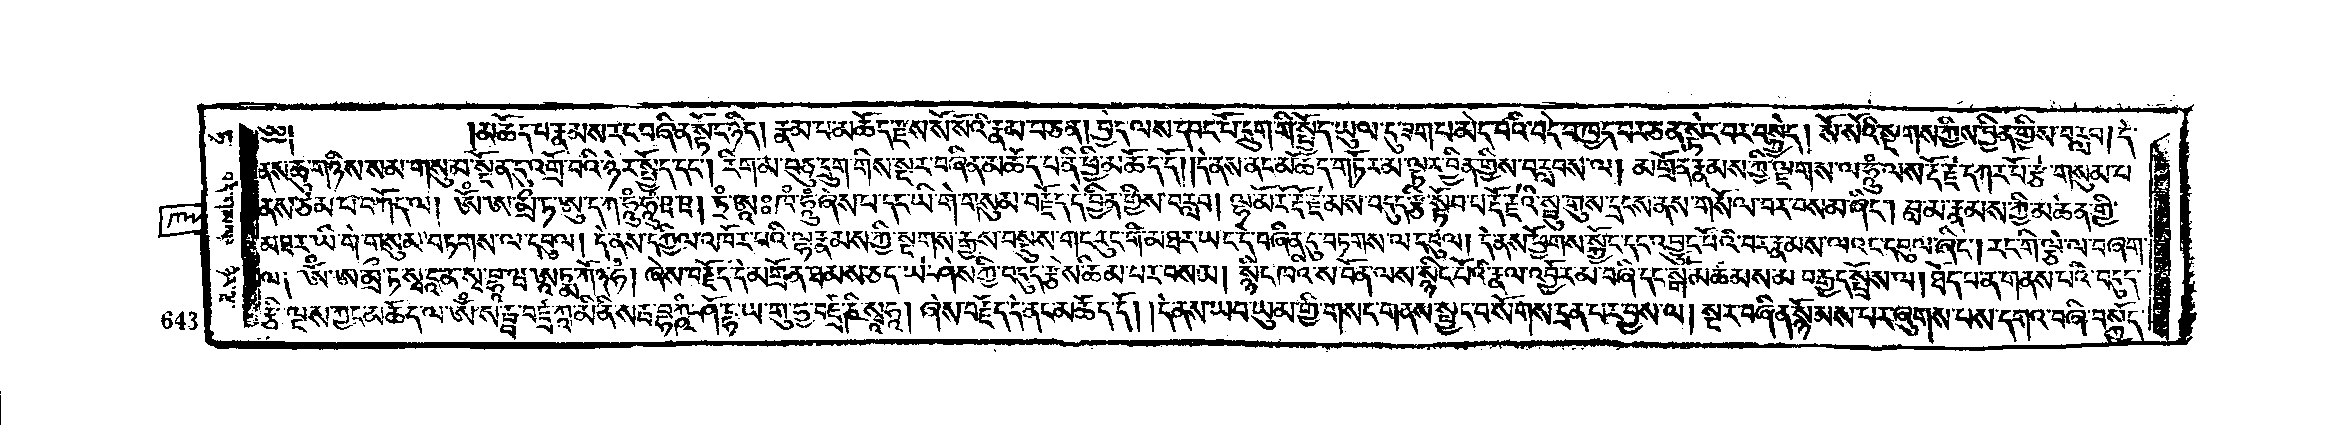༄༅། །མཆོད་པ་རྣམས་རང་བཞིན་སྟོང་ཉིད། རྣམ་པ་མཆོད་རྫས་སོ་སོའི་རྣམ་པ་ཅན། བྱེད་ལས་དབང་པོ་དྲུག་གི་སྤྱོད་ཡུལ་དུ་ཟག་པ་མེད་པའི་བདེ་བ་ཁྱད་པར་ཅན་སྟེར་བར་བསྐྱེད། སོ་སོའི་སྔགས་ཀྱིས་བྱིན་གྱིས་བརླབ། དེ་
ནས་ཆུ་གཉིས་སམ་གསུམ་སྔོན་དུ་འགྲོ་བའི་ཉེར་སྤྱོད་དང་། རིག་མ་བཅུ་དྲུག་གིས་སྔར་བཞིན་མཆོད་པ་ནི་ཕྱི་མཆོད་དོ། །དེ་ནས་ནང་མཆོད་གཏོར་མ་ལྟར་བྱིན་གྱིས་བརླབས་ལ། མགྲོན་རྣམས་ཀྱི་ལྗགས་ལ་ཧཱུཾ་ལས་རྡོ་རྗེ་དཀར་པོ་རྩེ་གསུམ་པ་
ནས་ཙམ་པ་བཀོད་ལ། ཨོཾ་ཨ་མྲྀ་ཏ་ཨུ་ད་ཀ་ཧཱུཾ་ཧཱུཾ་ཊཿཨ་ཊཿཨ། ཏྲཾ་ཨཱཿ ཁཾ་ཧཱུཾ་ཞེས་པ་དང་ཡི་གེ་གསུམ་བརྗོད་དེ་བྱིན་གྱིས་བརླབ། ལྷ་མོ་རོ་རྡོ་རྗེ་མས་བདུད་རྩི་སྟོབ་པ་རྡོ་རྗེའི་སྦུ་གུས་དྲངས་ནས་གསོལ་བར་བསམ་ཞིང་། བླ་མ་རྣམས་ཀྱི་མཚན་གྱི་
མཐར་ཡི་གེ་གསུམ་བཏགས་ལ་དབུལ། དེ་ནས་དཀྱིལ་འཁོར་བའི་ལྷ་རྣམས་ཀྱི་སྔགས་རྒྱས་བསྡུས་གང་རུང་གི་མཐར་ཡང་དེ་བཞིན་དུ་བཏགས་ལ་དབུལ། དེ་ནས་ཕྱོགས་སྐྱོང་དང་འབྱུང་པོའི་བར་རྣམས་ལའང་དབུལ་ཞིང་། རང་གི་ལྕེ་ལ་བཞག་
ལ། ཨོཾ་ཨ་མྲྀ་ཏ་སྭ་དཱ་ན་སྭ་བྷཱ་ཝ་ཨཱཏྨ་ཀོཉ་ཧཾ། ཞེས་བརྗོད་དེ་མགྲོན་ཐམས་ཅད་ཡེ་ཤེས་ཀྱི་བདུད་རྩིས་ཚིམ་པར་བསམ། སྙིང་ཁའི་ས་བོན་ལས་སྙིང་པོའི་རྣལ་འབྱོར་མ་བཞི་དང་སྒོ་མཚམས་མ་བརྒྱད་སྤྲོས་ལ། ཐོད་པ་ན་གནས་པའི་བདུད་རྩི་ལྔས་ཀྱང་མཆོད་ལ་ཨོཾ་སརྦྦ་བཛྲ་ཀཱ་མི་ནི་སརྦ་བྷཀྵཾ་ཤོ་དྷ་ཡ་གུ་ཧྱ་བཛྲ་ཎི་སྭཱ་ཧཱ། ཞེས་བརྗོད་དེ་ནང་མཆོད་དོ། །དེ་ནས་ཡབ་ཡུམ་གྱི་གསང་གནས་སྦྱང་བ་སོགས་དྲན་པར་བྱས་ལ། སྔར་བཞིན་སྙོམས་པར་ཞུགས་པས་དགའ་བཞི་བསྐྱེད་